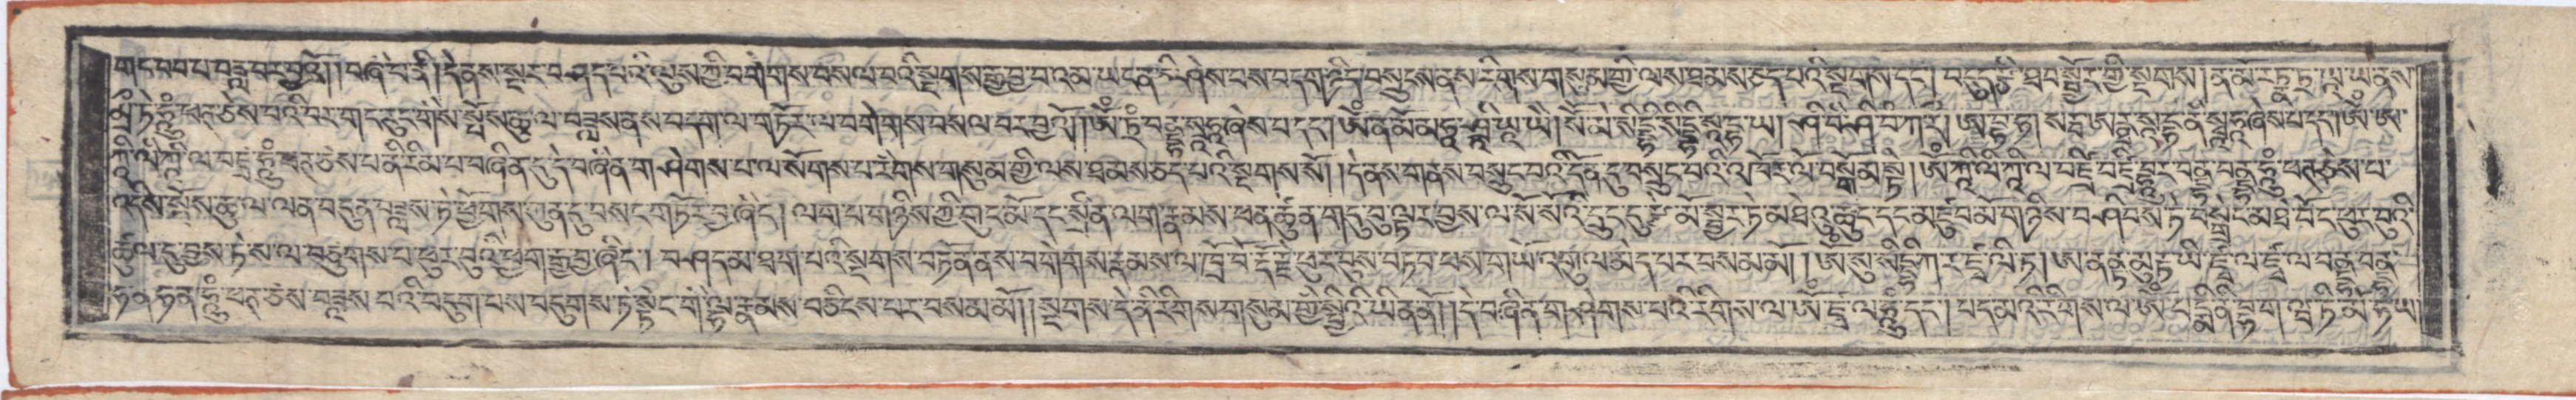གང་བབ་པ་བཟླ་པར་བྱའོ། །བཞི་པ་ནི། དེ་ནས་སྔར་བཤད་པའི་ལུས་ཀྱི་བགེགས་བསལ་བའི་སྔགས་རྒྱ་བྱ་བ་འམ་ཡང་ན་ཅི་ཤེས་པས་བདག་ཉིད་བསྲུངས་ནས་རིགས་གསུམ་གྱི་ལས་ཐམས་ཅད་པའི་སྔགས་དང་། བདུད་རྩི་ཐབ་སྦྱོར་གྱི་སྔགས། ན་མོ་རཏྣ་ཏྲ་ཡཱ་ཡ་ནས་
མྲྀ་ཏེ་ཧཱུཾ་ཕཊ་ཅེས་པའི་བར་གང་རུང་གིས་སྤོས་ཆུ་ལ་བཟླས་ནས་བདག་ལ་གཏོར་ལ་བགེགས་བསལ་བར་བྱའོ། །ཨོཾ་ཏྲཾ་བནྡྷ་སྲཱཧཱ་ཞེས་པ་དང་། ཨོཾ་ན་མོ་མཧཱ་ཤྲཱི་ཡཱ་ཡཻ། སཽ་མེ་སིདྡྷི་སིདྡྷི་སཱ་དྷ་ཡ། ཤི་བི་ཤི་བཾ་ཀ་རྀ། ཨ་བྷ་ཧ། སརྦ་ཨརྠ་སཱ་དྷ་ནི་སྭཱཧཱ་ཞེས་པ་དང་། ཨོཾ་ཨ་
ཀཱི་ལི་ཀཱི་ལ་བཛྲ་ཧཱུཾ་ཕཊ་ཅེས་པ་ནི་རིམ་པ་བཞིན་དུ་དེ་བཞིན་གཤེགས་པ་ལ་སོགས་པ་རིགས་གསུམ་གྱི་ལས་ཐམས་ཅད་པའི་སྔགས་སོ། །དེ་ནས་གནས་བསྲུང་བའི་དོན་དུ་བསྲུང་བའི་འཁོར་ལོ་བསྒོམ་སྟེ། ཨོཾ་+ཨི་ལི་ཀཱི་ལ་བཛྲི་བྫི་བྷཱུར་བནྡྷ་ཧཱུཾ་ཕཊ་ཅེས་པ་
འདིས་སྤོས་ཆུ་ལ་ལན་བདུན་བཟླས་ཏེ་ཕྱོགས་ཀུན་དུ་བསང་གཏོར་བྱ་ཞིང་། ལག་པ་གཉིས་ཀྱི་གུང་མོ་དང་སྲིན་ལག་རྣམས་ཕན་ཚུན་གདུ་བུ་ལྟར་བྱས་ལ་སོ་སོའི་དྲུང་དུ་རྩེ་མོ་སྦྱར་ཏེ་མཐེའུ་ཆུང་དང་མཛུབ་མོ་གཉིས་བཤིབས་ཏེ་བསྒྲེང་མཐེ་བོང་ཕུར་བུའི་
ཚུལ་དུ་བྱས་ཏེ་ས་ལ་བཙུགས་པ་ཕུར་བུའི་ཕྱག་རྒྱ་བྱ་ཞིང་། བཤད་མ་ཐག་པའི་སྔགས་བཏོན་ནས་བགེགས་རྣམས་ལ་ཁྲོ་བོ་རྡོ་རྗེ་ཕུར་བུས་བཏབ་པས་གཡོ་འགུལ་མེད་པར་བསམ་མོ། །ཨོཾ་སུ་སིདྡྷི་ཀ་ར་ཛྭ་ལི་ཏ། ཨ་ནནྟ་མུ་རྟ་ཡི་ཛྭ་ལ་ཛྭ་ལ་བནྡྷ་བནྡྷ་
ཧ་ན་ཧ་ན་ཧཱུཾ་ཕཊ་ཅེས་བཟླས་པའི་བདུག་པས་བདུགས་ཏེ་སྟེང་གི་ལྷ་རྣམས་བཅིངས་པར་བསམ་མོ། །སྔགས་དེ་ནི་རིགས་གསུམ་གྱི་སྤྱིའི་ཡིན་ནོ། །དེ་བཞིན་གཤེགས་པའི་རིགས་ལ་ཨོཾ་ཛྭ་ལ་ཧཱུཾ་དང་། པད་མའི་རིགས་ལ་ཨོཾ་པདམི་ནི་བྷ་ག་ཝ་ཏི་མོ་ཧ་ཡ།